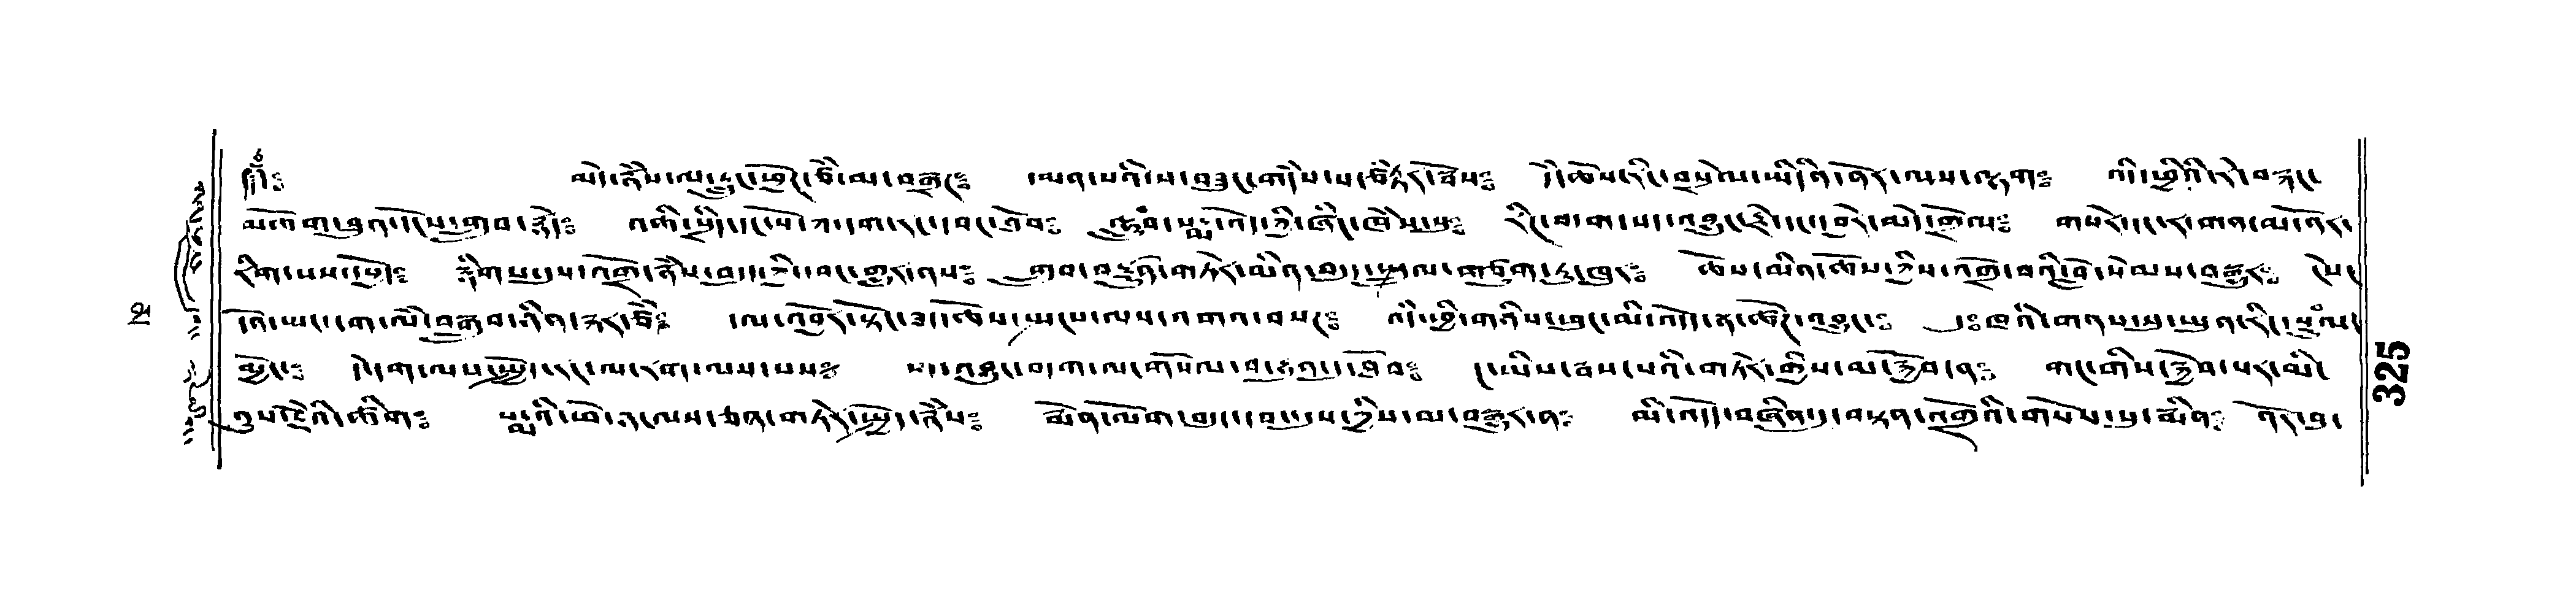མེད་རྣམས་ལ་རླུང་ཕྱོགས་ཙམ་མ་སྒྲོགས༔ དམན་པའི་ས་ཟུངས་གདམས་པ་ཙིཏྟར་སྦོས༔ དམ་ཆོས་རིང་བསྲེལ་ཡིད་བཞིན་ནོར་ལས་ལྷག༔ འདི་ཕྱིའི་རེ་སྐོང་
མཆོག་ཐུན་དངོས་གྲུབ་རྙེད༔ འཆི་སྲིད་དང་པོ་ཀ་དག་རང་དབང་ཐོབ༔ ལྷུན་གྲུབ་པདྨ་འོད་ཀྱི་ཞིང་ཁམས་སུ༔ རིགས་བདག་པད་འབྱུང་རྗེ་དང་དབྱེར་མེད་གྲོལ༔ གསེར་དང་ར་གན་མ་ནོར་
རིག་པས་དཔྱོད༔ སྙིགས་དུས་འགྲོ་རྣམས་བདུད་ཀྱི་དབང་གྱུར་ནས༔ གྲུབ་བརྫུན་གཏེར་མིན་བདུད་སྤྲུལ་གཙུག་ཏུ་ཁུར༔ ཆོས་མིན་ཆོས་ཀྱིས་འགྲོ་བའི་བློ་སེམས་བསྒྱུར༔ ངེས་
དོན་ཡང་དག་ལམ་སྒྲུབ་ཉིན་སྐར་ཙམ༔ དལ་འབྱོར་སྟོང་ཟད་ཆོས་སྤངས་ལས་འགའ་བསགས༔ འདི་ཕྱི་གཉིས་ཕུང་མི་འདོད་སྣ་ཚོགས་འབྱུང༔ དུཿཁའི་གནས་སུ་ཡུན་རིང་སྡུག་བསྔལ་
མྱོང༔ དེ་དག་ལས་སྤྱོད་རང་ལ་རག་ལས་པས༔ པད་འབྱུང་བདག་ལ་གསོལ་བ་རྒྱུན་དུ་ཐོབ༔ ང་ཡིས་སྦས་པའི་གཏེར་གྱིས་མ་སྐྱོབ་ན༔ གང་གིས་སྐྱོབ་པར་མི་
ནུས་རྡོ་རྗེ་ཚིག༔ པདྨའི་ཕོ་ཉ་ལས་ཅན་གཏེར་སྤྱོད་རྣམས༔ སྨོན་ལོག་བདུད་དབང་དུས་ཀྱིས་མ་བསྒྱུར་ན༔ མི་འདོད་བཞིན་དུ་བསྟན་འགྲོའི་གསོས་སུ་སྨིན༔ ནོར་བུ་